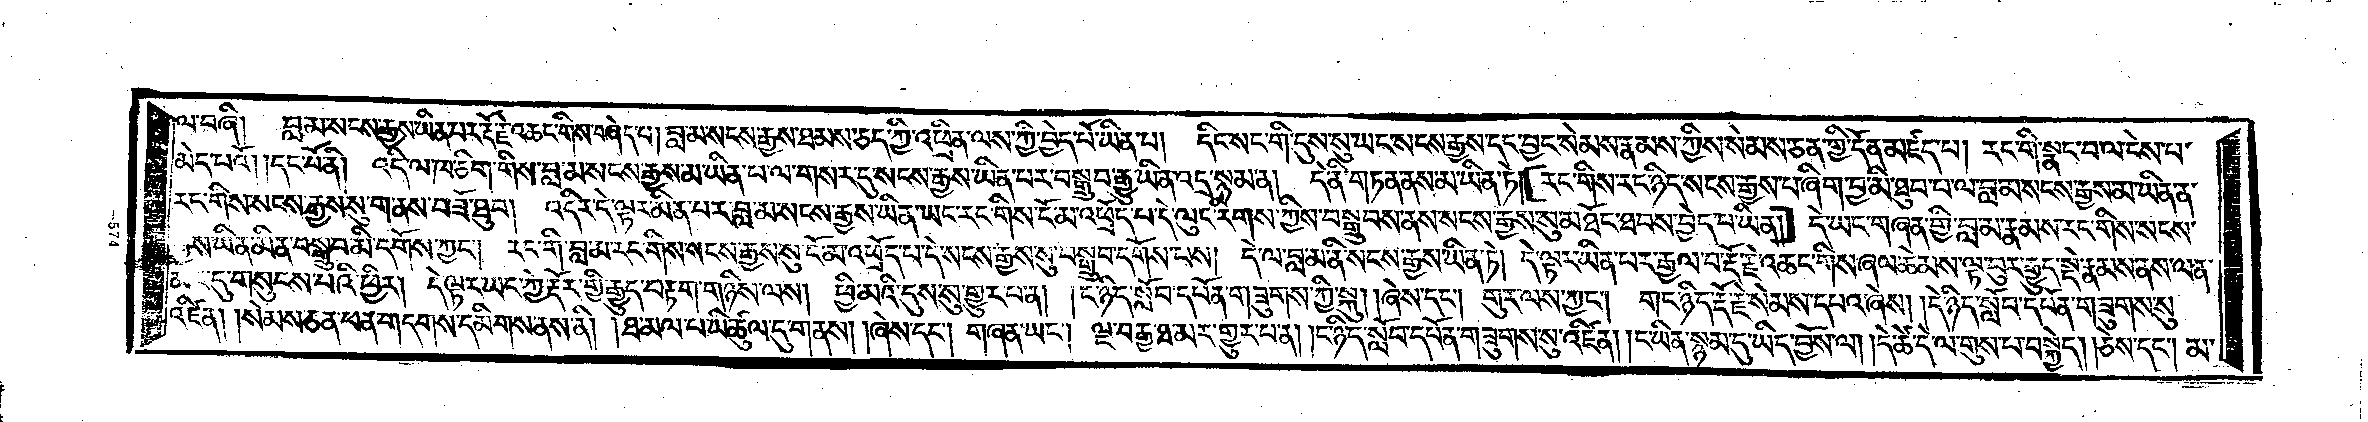ལ་བཞི། བླ་མ་སངས་རྒྱས་ཡིན་པར་རྡོ་རྗེ་འཆང་གིས་བཞེད་པ། བླ་མ་སངས་རྒྱས་ཐམས་ཅད་ཀྱི་འཕྲིན་ལས་ཀྱི་བྱེད་པོ་ཡིན་པ། དིང་སང་གི་དུས་སུ་ཡང་སངས་རྒྱས་དང་བྱང་སེམས་རྣམས་ཀྱིས་སེམས་ཅན་གྱི་དོན་མཛད་པ། རང་གི་སྣང་བ་ལ་ངེས་པ་
མེད་པའོ། །དང་པོ་ནི། འདི་ལ་ཁ་ཅིག་གིས་བླ་མ་སངས་རྒྱས་མ་ཡིན་པ་ལ་གསར་དུ་སངས་རྒྱས་ཡིན་པར་བསྒྲུབ་རྒྱུ་ཡིན་འདྲ་སྙམ་ན། དེ་ནི་གཏན་ནས་མ་ཡིན་ཏེ། །རང་གིས་རང་ཉིད་སངས་རྒྱས་པ་ཞིག་བྱ་མི་ཐུབ་པ་ལ་བླ་མ་སངས་རྒྱས་མ་ཡིན་ན་
རང་གིས་སངས་རྒྱས་སུ་ག་ནས་བཟོ་ཐུབ། འདིར་དེ་ལྟར་མིན་པར་བླ་མ་སངས་རྒྱས་ཡིན་ཡང་རང་གིས་ངོ་མ་འཕྲོད་པ་དེ་ལུང་རིགས་ཀྱིས་བསྒྲུབས་ནས་སངས་རྒྱས་སུ་མཐོང་ཐབས་བྱེད་པ་ཡིན། དེ་ཡང་གཞན་གྱི་བླ་མ་རྣམས་རང་གིས་སངས་
རྒྱས་ཡིན་མིན་བསྒྲུབ་མི་དགོས་ཀྱང་། རང་གི་བླ་མ་རང་གིས་སངས་རྒྱས་སུ་ངོ་མ་འཕྲོད་པ་དེ་སངས་རྒྱས་སུ་བསྒྲུབ་དགོས་པས། དེ་ལ་བླ་མ་ནི་སངས་རྒྱས་ཡིན་ཏེ། དེ་ལྟར་ཡིན་པར་རྒྱལ་བ་རྡོ་རྗེ་འཆང་གིས་ཞལ་ཆེམས་ལྟ་བུར་རྒྱུད་སྡེ་རྣམས་ནས་ལན་
མང་དུ་གསུངས་པའི་ཕྱིར། དེ་ལྟར་ཡང་ཀྱེ་རྡོར་གྱི་རྒྱུད་བརྟག་གཉིས་ལས། ཕྱི་མའི་དུས་སུ་གྱུར་པ་ན། །ང་ཉིད་སློབ་དཔོན་གཟུགས་ཀྱི་སྐུ། །ཞེས་དང་། གུར་ལས་ཀྱང་། གང་ཉིད་རྡོ་རྗེ་སེམས་དཔའ་ཞེས། །དེ་ཉིད་སློབ་དཔོན་གཟུགས་སུ་
འཛིན། །སེམས་ཅན་ཕན་གདགས་དམིགས་ནས་ནི། །ཐ་མལ་པ་ཡི་ཚུལ་དུ་གནས། །ཞེས་དང་། གཞན་ཡང་། ལྔ་བརྒྱ་ཐ་མར་གྱུར་པ་ན། །ང་ཉིད་སློབ་དཔོན་གཟུགས་སུ་འཛིན། །ང་ཡིན་སྙམ་དུ་ཡིད་བྱོས་ལ། །དེ་ཚེ་དེ་ལ་གུས་པ་བསྐྱེད། །ཅེས་དང་། མ་